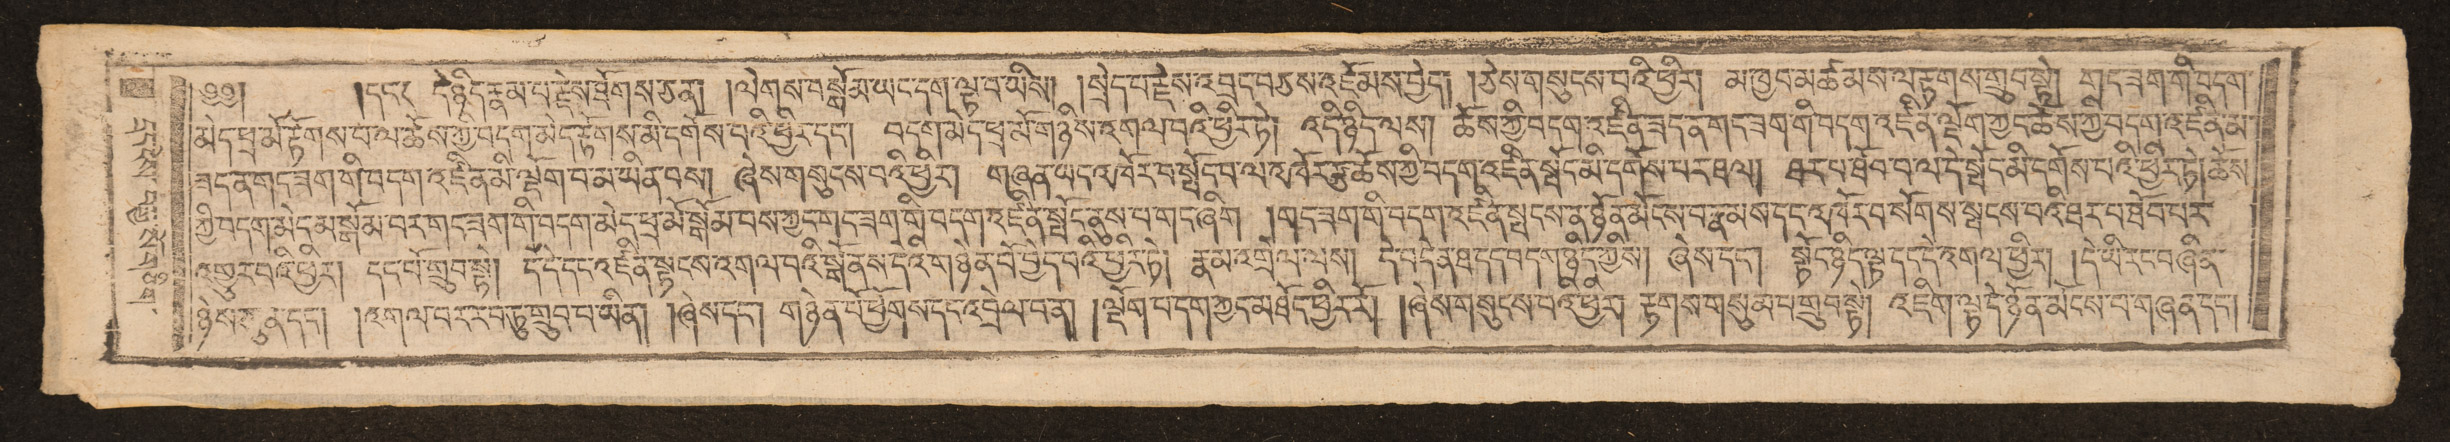༄༅། །དང་། དེ་ཉིད་རྣམ་པ་རྗེས་ཐོགས་ཅན། །ལེགས་བསྒོམ་ཡང་དག་ལྟ་བ་ཡིས། །སྲེད་བ་རྗེས་འབྲང་བཅས་འཇོམས་བྱེད། །ཅེས་གསུངས་པའི་ཕྱིར། མ་ཁྱབ་མཚམས་ལ་རྟགས་གྲུབ་སྟེ། གང་ཟག་གི་བདག་
མེད་ཕྲ་མོ་རྟོགས་པ་ལ་ཆོས་ཀྱི་བདག་མེད་རྟོགས་མི་དགོས་པའི་ཕྱིར་དང་། བདག་མེད་ཕྲ་མོ་གཉིས་འགལ་བའི་ཕྱིར་ཏེ། འདི་ཉིད་ལས། ཆོས་ཀྱི་བདག་འཛིན་ཟད་ན་གང་ཟག་གི་བདག་འཛིན་ལྡོག་ཀྱང་ཆོས་ཀྱི་བདག་འཛིན་མ་
ཟད་ན་གང་ཟག་གི་བདག་འཛིན་མི་ལྡོག་པ་མ་ཡིན་པས། ཞེས་གསུངས་པའི་ཕྱིར། གཞན་ཡང་འཁོར་བ་སྤོང་བ་ལ་འཁོར་རྩ་ཆོས་ཀྱི་བདག་འཛིན་སྤོང་མི་དགོས་པར་ཐལ། ཐར་པ་ཐོབ་པ་ལ་དེ་སྤོང་མི་དགོས་པའི་ཕྱིར་ཏེ། ཆོས་
ཀྱི་བདག་མེད་མ་སྒོམ་པར་གང་ཟག་གི་བདག་མེད་ཕྲ་མོ་སྒོམ་པས་ཀྱང་གང་ཟག་གི་བདག་འཛིན་སྤོང་ནུས་པ་གང་ཞིག །གང་ཟག་གི་བདག་འཛིན་སྤངས་ན་ཉོན་མོངས་པ་རྣམས་དང་འཁོར་བ་སོགས་སྤངས་པའི་ཐར་པ་ཐོབ་པར་
འགྱུར་བའི་ཕྱིར། དང་པོ་གྲུབ་སྟེ། དེ་དེ་དང་འཛིན་སྟངས་འགལ་བའི་སྒོ་ནས་དེའི་གཉེན་པོ་བྱེད་པའི་ཕྱིར་ཏེ། རྣམ་འགྲེལ་ལས། དེ་བདེན་ཐ་དད་བདག་ཉིད་ཀྱིས། ཞེས་དང་། སྟོང་ཉིད་ལྟ་དང་དེ་འགལ་ཕྱིར། །དེ་ཡི་རང་བཞིན་
ཉེས་ཀུན་དང་། །འགལ་བར་རབ་ཏུ་གྲུབ་པ་ཡིན། །ཞེས་དང་། གཉེན་པོ་ཕྱོགས་དང་འབྲེལ་བ་ན། །ལྡོག་པ་དག་ཀྱང་མཐོང་ཕྱིར་རོ། །ཞེས་གསུངས་པའི་ཕྱིར། རྟགས་གསུམ་པ་གྲུབ་སྟེ། འཇིག་ལྟ་དེ་ཉོན་མོངས་པ་གཞན་དང་།